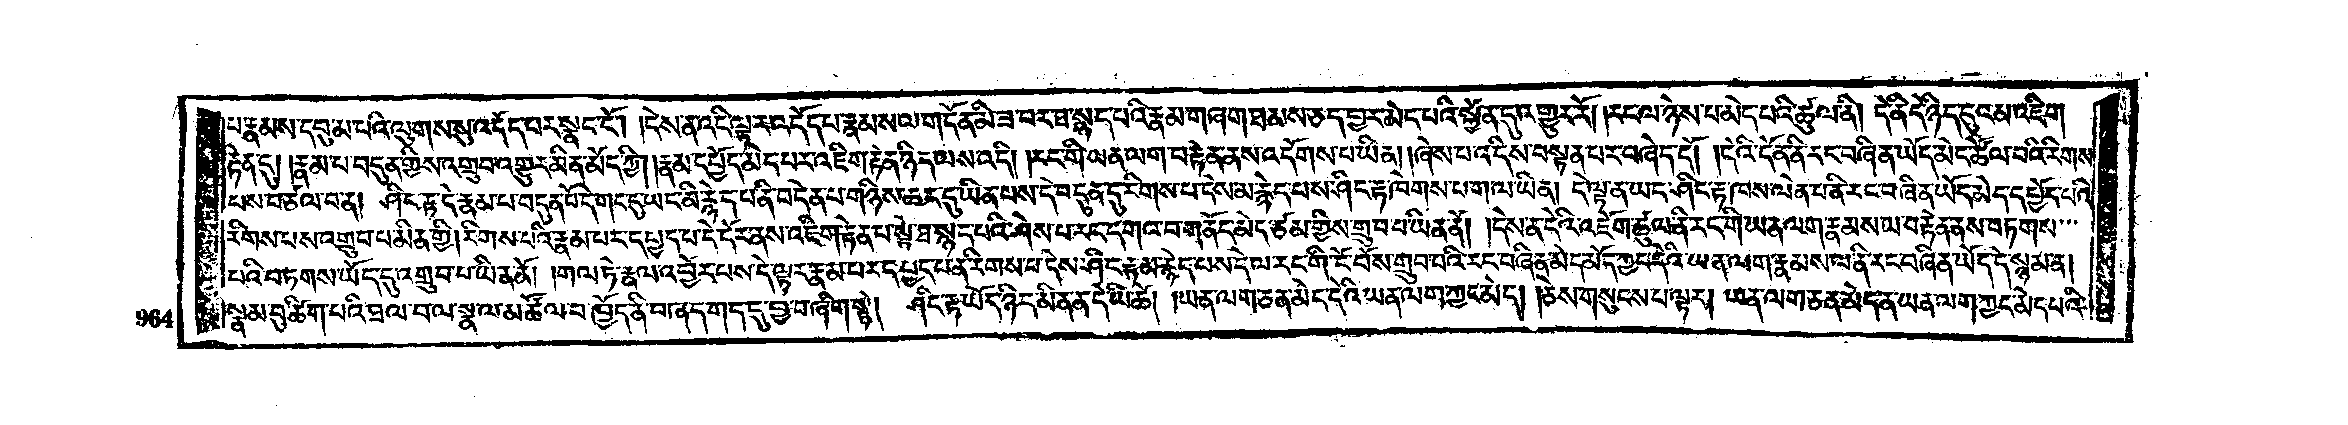པ་རྣམས་དབུ་མ་པའི་ལུགས་སུ་འདོད་པར་སྣང་ངོ། །དེས་ན་འདི་ལྟར་འདོད་པ་རྣམས་ལ་གདོན་མི་ཟ་བར་ཐ་སྙད་པའི་རྣམ་གཞག་ཐམས་ཅད་བྱར་མེད་པའི་སྐྱོན་དུ་འགྱུར་རོ། །རང་ལ་ཉེས་པ་མེད་པའི་ཚུལ་ནི། དེ་ནི་དེ་ཉིད་དུ་འམ་འཇིག་
རྟེན་དུ། །རྣམ་པ་བདུན་གྱིས་འགྲུབ་འགྱུར་མིན་མོད་ཀྱི། །རྣམ་དཔྱོད་མེད་པར་འཇིག་རྟེན་ཉིད་ལས་འདི། །རང་གི་ཡན་ལག་བརྟེན་ནས་འདོགས་པ་ཡིན། །ཞེས་པ་འདིས་བསྟན་པར་བཞེད་དོ། །དེའི་དོན་ནི་རང་བཞིན་ཡོད་མེད་ཚོལ་བའི་རིགས་
པས་བཙལ་བ་ན། ཤིང་རྟ་དེ་རྣམ་པ་བདུན་པོ་དེ་གང་དུ་ཡང་མི་རྙེད་པ་ནི་བདེན་པ་གཉིས་ཆར་དུ་ཡིན་པས་དེ་བདུན་དུ་རིགས་པ་དེས་མ་རྙེད་པས་ཤིང་རྟ་ཁེགས་པ་ག་ལ་ཡིན། དེ་ལྟ་ན་ཡང་ཤིང་རྟ་ཁས་ལེན་པ་ནི་རང་བཞིན་ཡོད་མེད་དཔྱོད་པའི་
རིགས་པས་འགྲུབ་པ་མིན་གྱི། རིགས་པའི་རྣམ་པར་དཔྱད་པ་དེ་དོར་ནས་འཇིག་རྟེན་པ་སྟེ་ཐ་སྙད་པའི་ཤེས་པ་རང་དགའ་བ་གནོད་མེད་ཙམ་གྱིས་གྲུབ་པ་ཡིན་ནོ། །དེས་ན་དེའི་འཇོག་ཚུལ་ནི་རང་གི་ཡན་ལག་རྣམས་ལ་བརྟེན་ནས་བཏགས་
པའི་བཏགས་ཡོད་དུ་འགྲུབ་པ་ཡིན་ནོ། །གལ་ཏེ་རྣལ་འབྱོར་པས་དེ་ལྟར་རྣམ་པར་དཔྱད་པ་ན་རིགས་པ་དེས་ཤིང་རྟ་མ་རྙེད་པས་དེ་ལ་རང་གི་ངོ་བོས་གྲུབ་པའི་རང་བཞིན་མེད་མོད་ཀྱང་དེའི་ཡན་ལག་རྣམས་ལ་ནི་རང་བཞིན་ཡོད་དོ་སྙམ་ན།
སྣམ་བུ་ཚིག་པའི་ཐལ་བ་ལ་སྣལ་མཚོལ་བ་ཁྱོད་ནི་བཞད་གད་དུ་བྱ་བ་ཞིག་སྟེ། ཤིང་རྟ་ཡོད་ཉིད་མིན་ན་དེ་ཡི་ཚེ། །ཡན་ལག་ཅན་མེད་དེའི་ཡན་ལག་ཀྱང་མེད། །ཅེས་གསུངས་པ་ལྟར། ཡན་ལག་ཅན་མེད་ན་ཡན་ལག་ཀྱང་མེད་པའི་